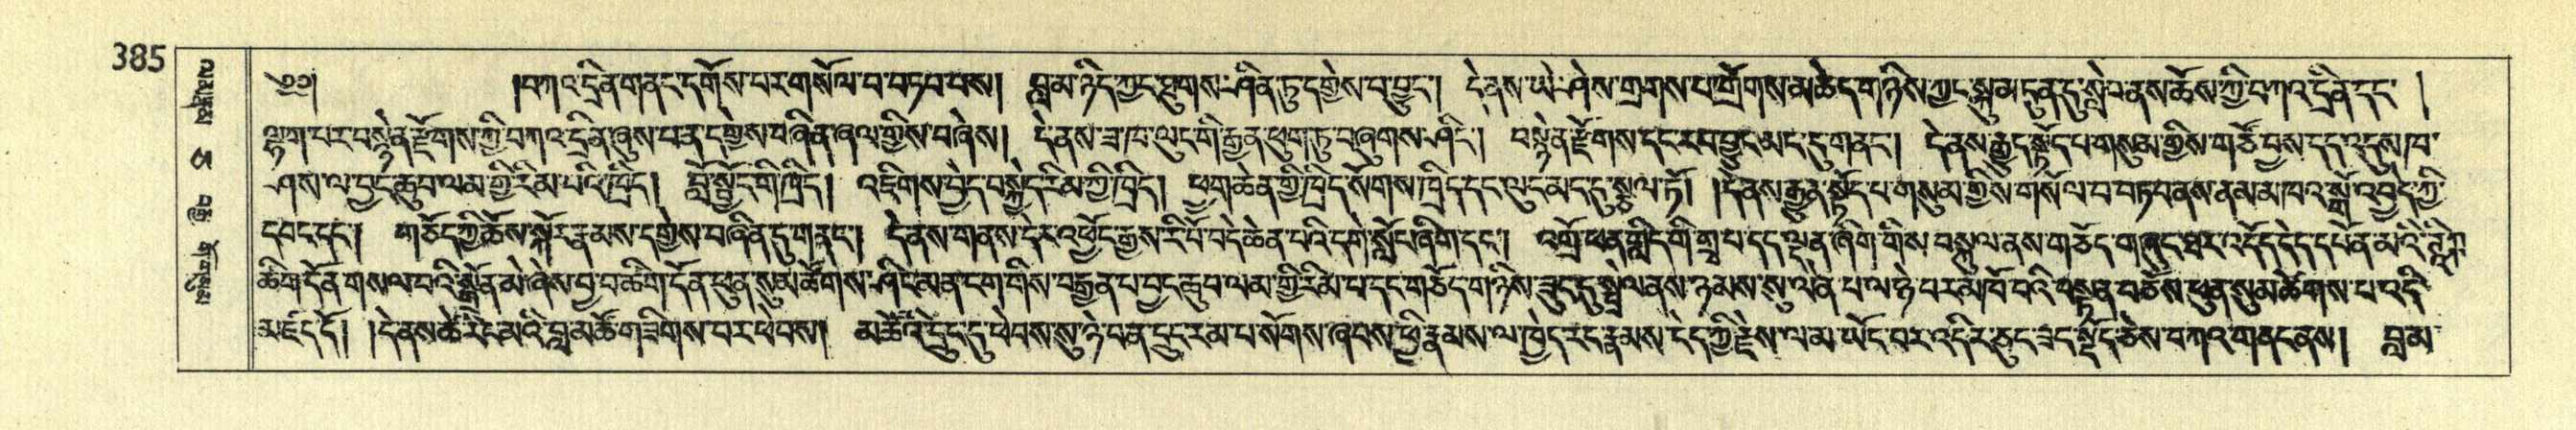༄༅། །བཀའ་དྲིན་གནང་དགོས་པར་གསོལ་བ་བཏབ་པས། བླ་མ་ཉིད་ཀྱང་ཐུགས་ཤིན་ཏུ་དགྱེས་པ་བྱུང་། དེ་ནས་ཡེ་ཤེས་གྲགས་པ་གྲགས་པ་གྲོགས་མཆེད་གཉིས་ཀྱང་སྐུ་མདུན་དུ་སླེབ་ནས་ཆོས་ཀྱི་བཀའ་དྲིན་དང་།
ལྷག་པར་བསྙེན་རྫོགས་ཀྱི་བཀའ་དྲིན་ཞུས་པ་ན་དགྱེས་བཞིན་ཞལ་གྱིས་བཞེས། དེ་ནས་ཟ་ཁ་ལུང་གི་རྒྱན་ཕུག་ཏུ་བཞུགས་ཤིང་། བསྙེན་རྫོགས་དང་རབ་བྱུང་མང་དུ་གནང་། དེ་ནས་རྒྱུད་སྟོད་པ་གསུམ་གྱིས་གཙོ་བྱས་དད་འདུས་ཁ་
ཤས་ལ་བྱང་ཆུབ་ལམ་གྱི་རིམ་པའི་ཁྲིད། བློ་སྦྱོང་གི་ཁྲིད། འཇིགས་བྱེད་བསྐྱེད་རིམ་ཀྱི་ཁྲིད། ཕྱག་ཆེན་གྱི་ཁྲིད་སོགས་ཁྲིད་དང་ལུང་མང་དུ་སྩལ་ཏོ། །དེ་ནས་རྒྱུན་སྟོད་པ་གསུམ་གྱིས་གསོལ་བ་བཏབ་ནས་ནམ་མཁའ་སྒོ་འབྱེད་ཀྱི་
དབང་དང་། གཅོད་ཀྱི་ཆོས་སྐོར་རྣམས་དགྱེས་བཞིན་དུ་གནང་། དེ་ནས་གནས་དེར་འཕྱོད་རྒྱས་རི་བོ་བདེ་ཆེན་པའི་དགེ་སློང་ཞིག་དང་། འགྲོ་ཕན་གླིང་གི་གྲྭ་པ་དད་ལྡན་ཞིག་གིས་བསྐུལ་ནས་གཅོད་གཞུང་ཐར་འདོད་དེད་དཔོན་མའི་ཊཱིཀྐ་
ཚིག་དོན་གསལ་བའི་སྒྲོན་མེ་ཞེས་བྱ་བ་ཚིག་དོན་ཕུན་སུམ་ཚོགས་ཤིང་མན་ངག་གིས་བརྒྱན་པ་བྱང་ཆུབ་ལམ་གྱི་རིམ་པ་དང་གཅོད་གཉིས་ཟུང་དུ་སྦྲེལ་ནས་ཉམས་སུ་ལེན་པ་ལ་ཉེ་བར་མཁོ་བའི་བསྟན་བཅོས་ཕུན་སུམ་ཚོགས་པ་འདི་
མཛད་དོ། །དེ་ནས་ཚེ་རིང་མའི་བླ་མཚོ་གཟིགས་བར་ཕེབས། མཚོའི་དྲུང་དུ་ཕེབས་སུ་ཉེ་བན་དྲུང་རམ་པ་སོགས་ཞབས་ཕྱི་རྣམས་ལ་ཁྱེད་རང་རྣམས་ངེད་ཀྱི་རྗེས་ལ་མ་ཡོང་བར་འདིར་ཅུང་ཟད་སྡོད་ཅེས་བཀའ་གནང་ནས། བླ་མ་